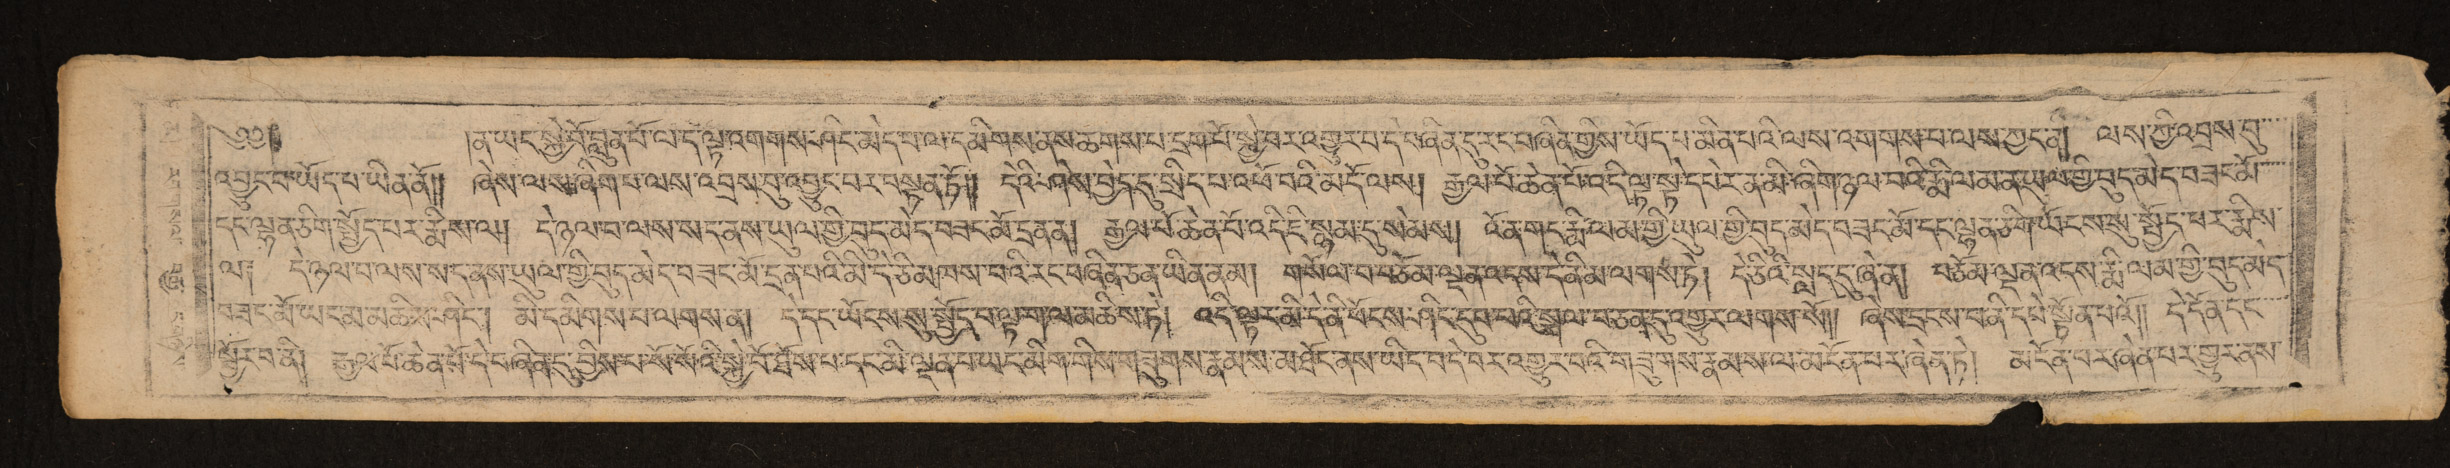༄༅། །ན་ཡང་སྐྱེ་བོ་བླུན་པོ་ལ་ད་ལྟ་འགགས་ཤིང་མེད་པ་ལ་དམིགས་ནས་ཆགས་པ་དྲག་པོ་སྐྱེ་བར་འགྱུར་བ་དེ་བཞིན་དུ་རང་བཞིན་གྱིས་ཡོད་པ་མིན་པའི་ལས་འགགས་པ་ལས་ཀྱང་ནི། ལས་ཀྱི་འབྲས་བུ་
འབྱུང་བ་ཡོད་པ་ཡིན་ནོ།། ཞེས་ལས་ཞིག་པ་ལས་འབྲས་བུ་འབྱུང་བར་བསྟན་ཏོ།། དེའི་ཤེས་བྱེད་དུ་སྲིད་པ་འཕོ་བའི་མདོ་ལས། རྒྱལ་པོ་ཆེན་པོ་འདི་ལྟ་སྟེ་དཔེར་ན་མི་ཞིག་ཉལ་བའི་རྨི་ལམ་ན་ཡུལ་གྱི་བུད་མེད་བཟང་མོ་
དང་ལྷན་ཅིག་སྤྱོད་པར་རྨིས་ལ། དེ་ཉལ་བ་ལས་སད་ནས་ཡུལ་གྱི་བུད་མེད་བཟང་མོ་དྲན་ན། རྒྱལ་པོ་ཆེན་པོ་འདི་ཇི་སྙམ་དུ་སེམས། འོ་ན་གང་རྨི་ལམ་གྱི་ཡུལ་གྱི་བུད་མེད་བཟང་མོ་དང་ལྷན་ཅིག་ཡོངས་སུ་སྤྱོད་པར་རྨིས་
ལ༑ དེ་ཉལ་བ་ལས་སད་ནས་ཡུལ་གྱི་བུད་མེད་བཟང་མོ་དྲན་པའི་མི་དེ་ཅི་མཁས་པའི་རང་བཞིན་ཅན་ཡིན་ནམ། གསོལ་བ་བཅོམ་ལྡན་འདས་དེ་ནི་མ་ལགས་ཏེ། དེ་ཅིའི་སླད་དུ་ཞེ་ན། བཅོམ་ལྡན་འདས་རྨི་ལམ་གྱི་བུད་མེད་
བཟང་མོ་ཡང་མ་མཆིས་ཤིང་། མི་དམིགས་པ་ལགས་ན། དེ་དང་ཡོངས་སུ་སྤྱོད་པ་ལྟ་ག་ལ་མཆིས་ཏེ། འདི་ལྟར་མི་དེ་ནི་ཕོངས་ཤིང་དུབ་པའི་སྐལ་པ་ཅན་དུ་འགྱུར་ལགས་སོ།། ཞེས་དྲངས་པ་ནི་དཔེ་སྟོན་པའོ།། དེ་དོན་དང་
སྦྱོར་བ་ནི། རྒྱལ་པོ་ཆེན་པོ་དེ་བཞིན་དུ་བྱིས་པ་སོ་སོའི་སྐྱེ་བོ་ཐོས་པ་དང་མི་ལྡན་པ་ཡང་མིག་གིས་གཟུགས་རྣམས་མཐོང་ནས་ཡིད་བདེ་བར་འགྱུར་བའི་གཟུགས་རྣམས་ལ་མངོན་པར་ཞེན་ཏེ། མངོན་པར་ཞེན་པར་གྱུར་ནས་